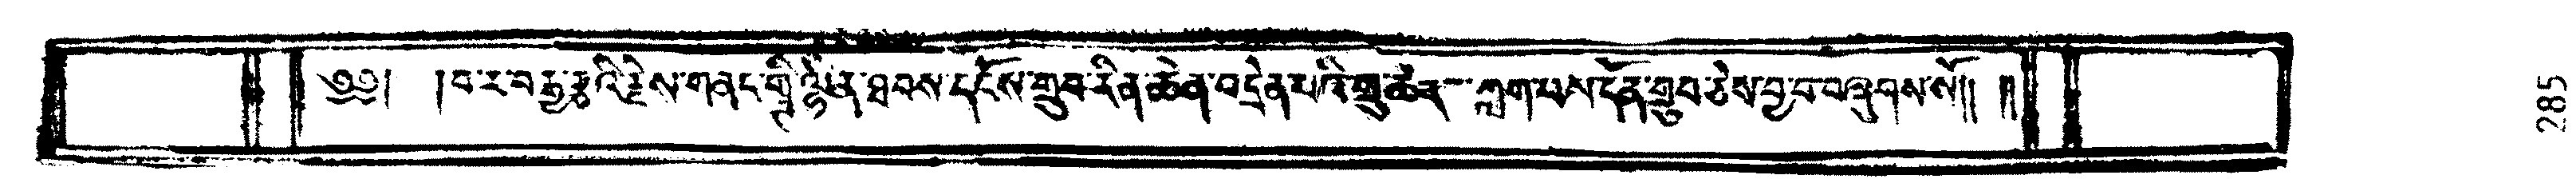༄༅། །བ་རི་བརྒྱ་རྩའི་རྗེས་གནང་གྚི་ལྷན་ཐབས་དངོས་གྲུབ་རིན་ཆེན་འདྲེན་པའི་གྲུ་ཆེན་ཀླག་པས་དོན་གྲུབ་ཅེས་བྱ་བ་བཞུགས་སོ།། །།